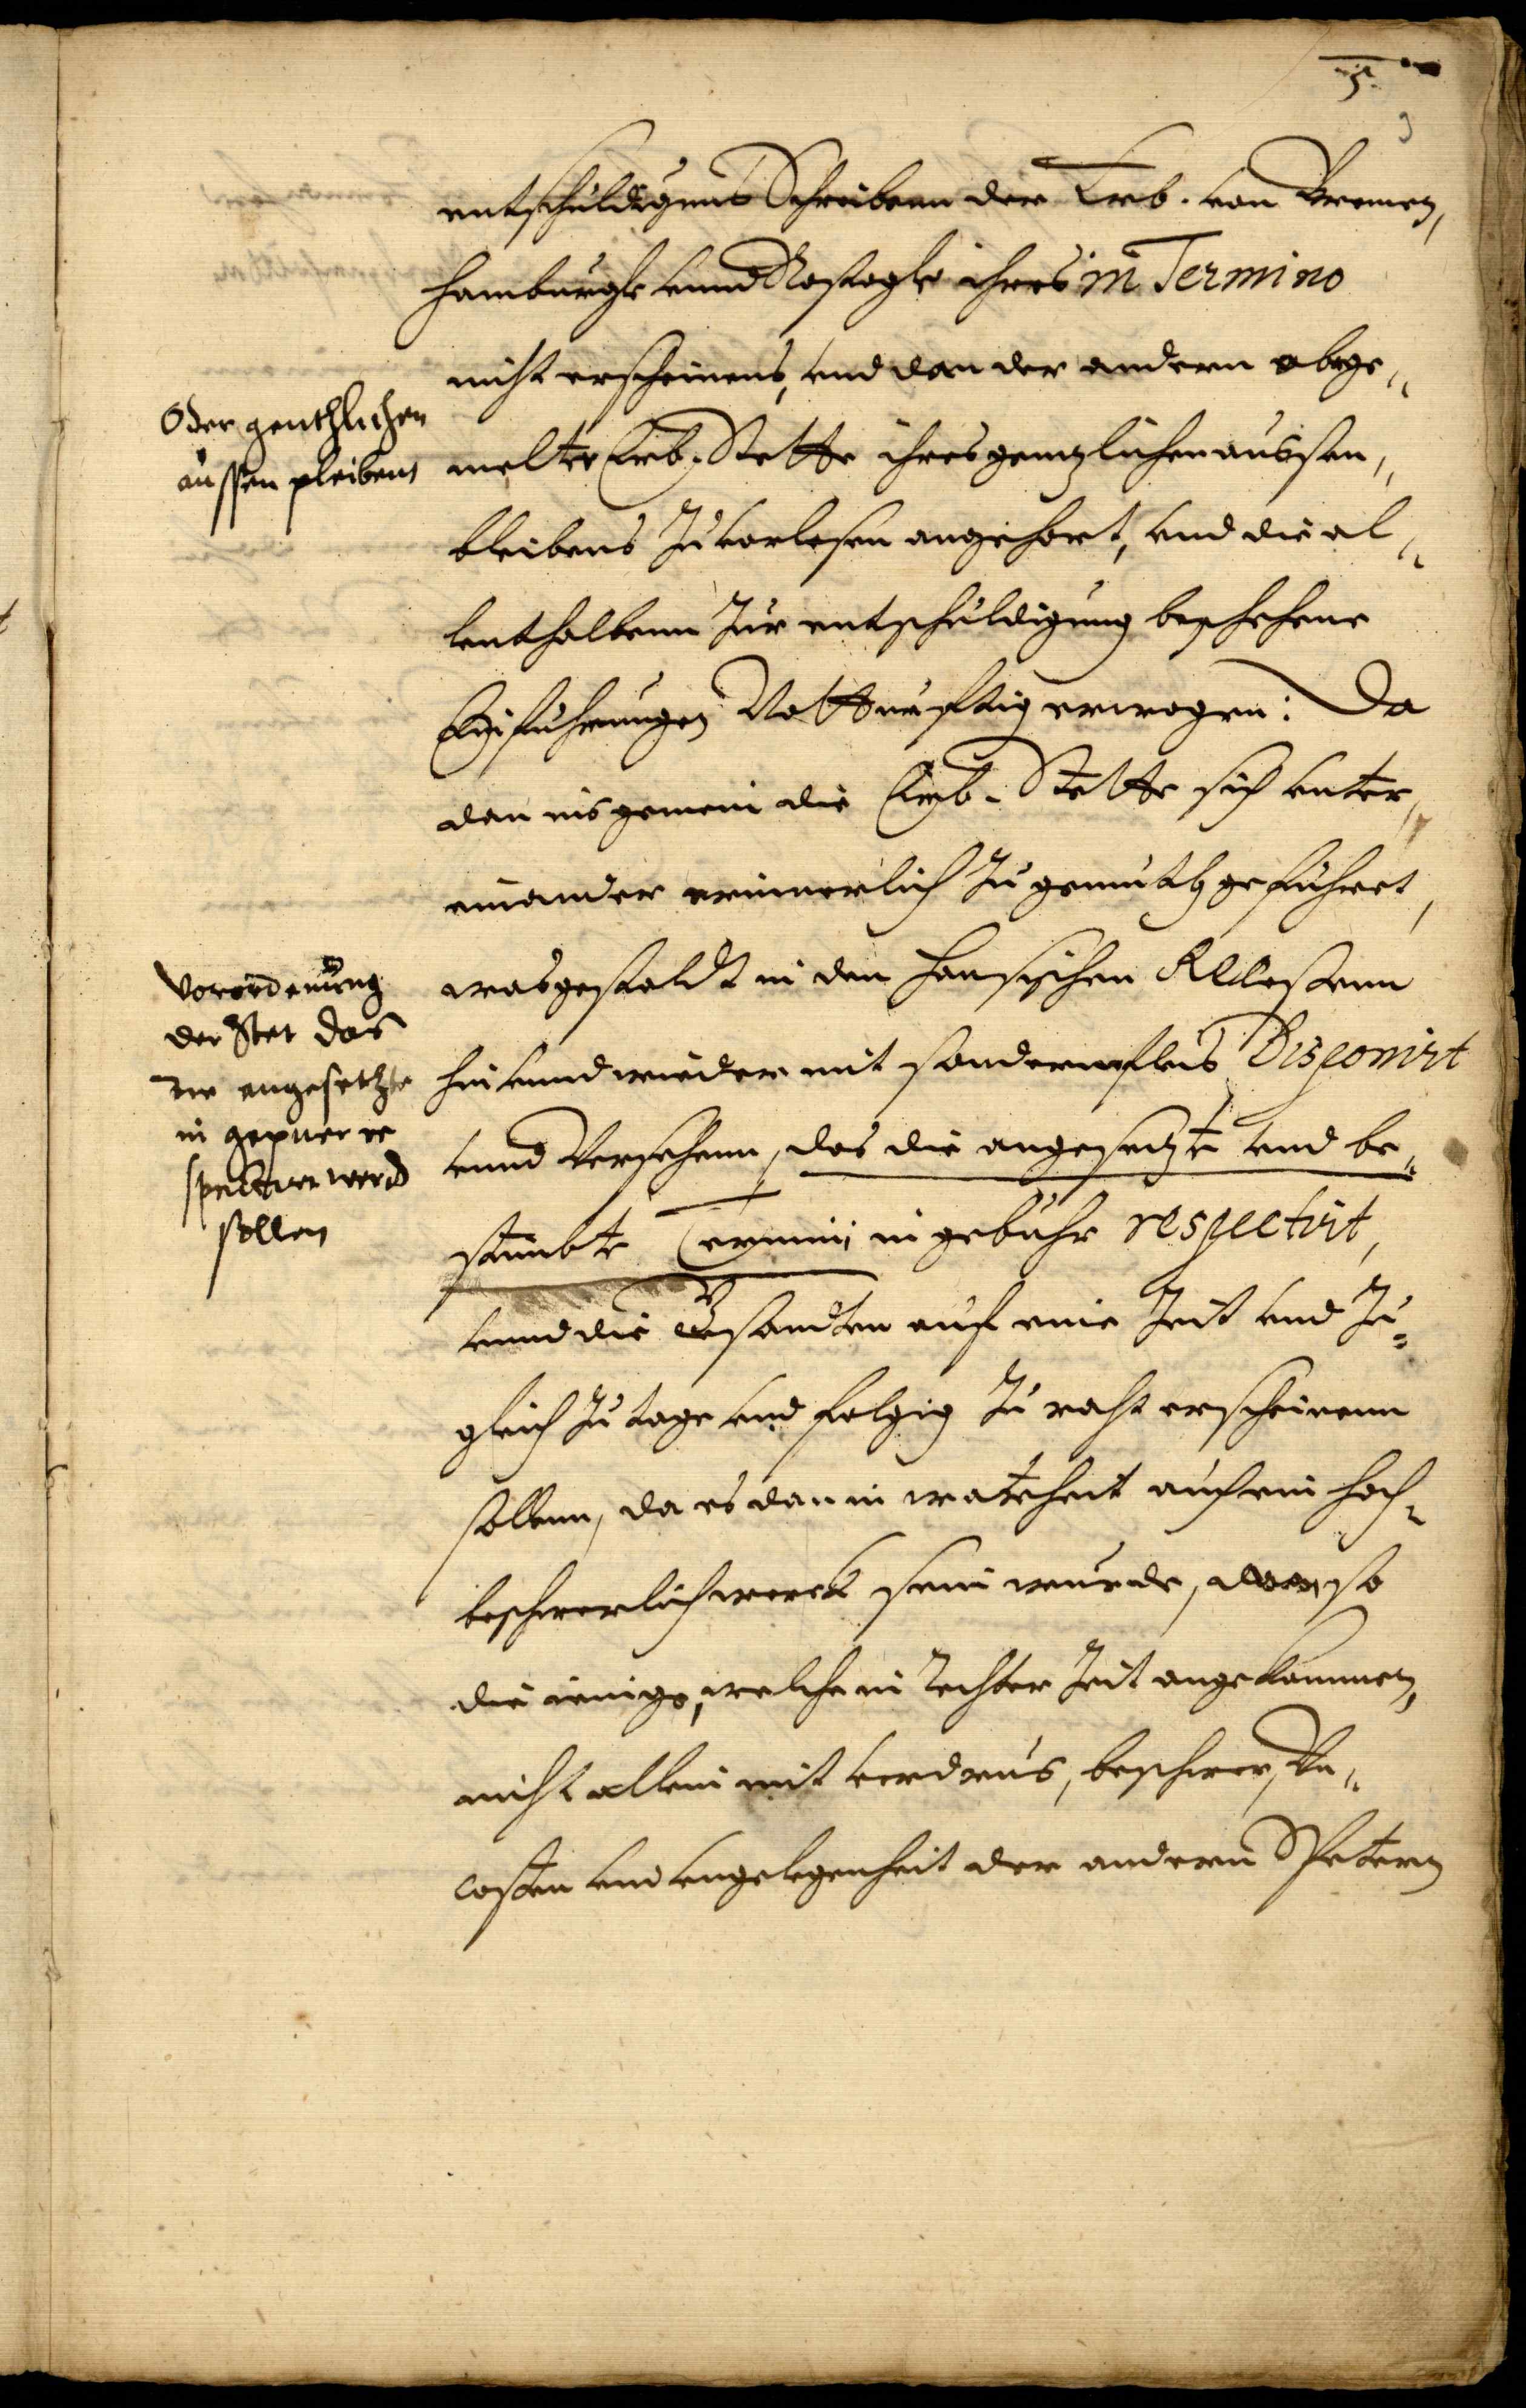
5.
entschuldigens Schreibenn der Erb. von Bremen,
Hamburgk vnnd Rostogk ihres in Termino
nicht erscheinens, vnd dan der andern abege¬
melter Erb. Stette ihres gentzlichen aussen¬
bleibens zu vorlesen angehort, vnd die al¬
lenthalben zur entschuldigung beschehene
Einfuhrungen Notturftig erwogen: Da
dan insgemein die Erb. Stette sich vnter¬
einander erinnerlich zu gemuthe gefuhret,
wasgestaldt in den hansischen Receßenn
hin vnnd wieder mit sondernn fleis Disponirt
vnnd versehenn, das die angesetzte vnd be¬
stimbte Termini in gebuhr respectirt,
vnnd die Gesandten auf eine zeit vnd zu¬
gleich zu tage vnd folgig zu raht erscheinenn
sollenn, da es dan in warheit auch ein hoch¬
beschwerlich werck sein wurde, wen so
die einige, welche in Rechter zeit angekommen,
nicht allein mit verdrus, beschwer, Vn¬
costen vnd vngelegenheit der andern Spetern
Oder gentzlichen
aussen pleibens
Vorordenung
der Stet das
zur angesetzte
in gepuer re
spectirt werden
sollen
